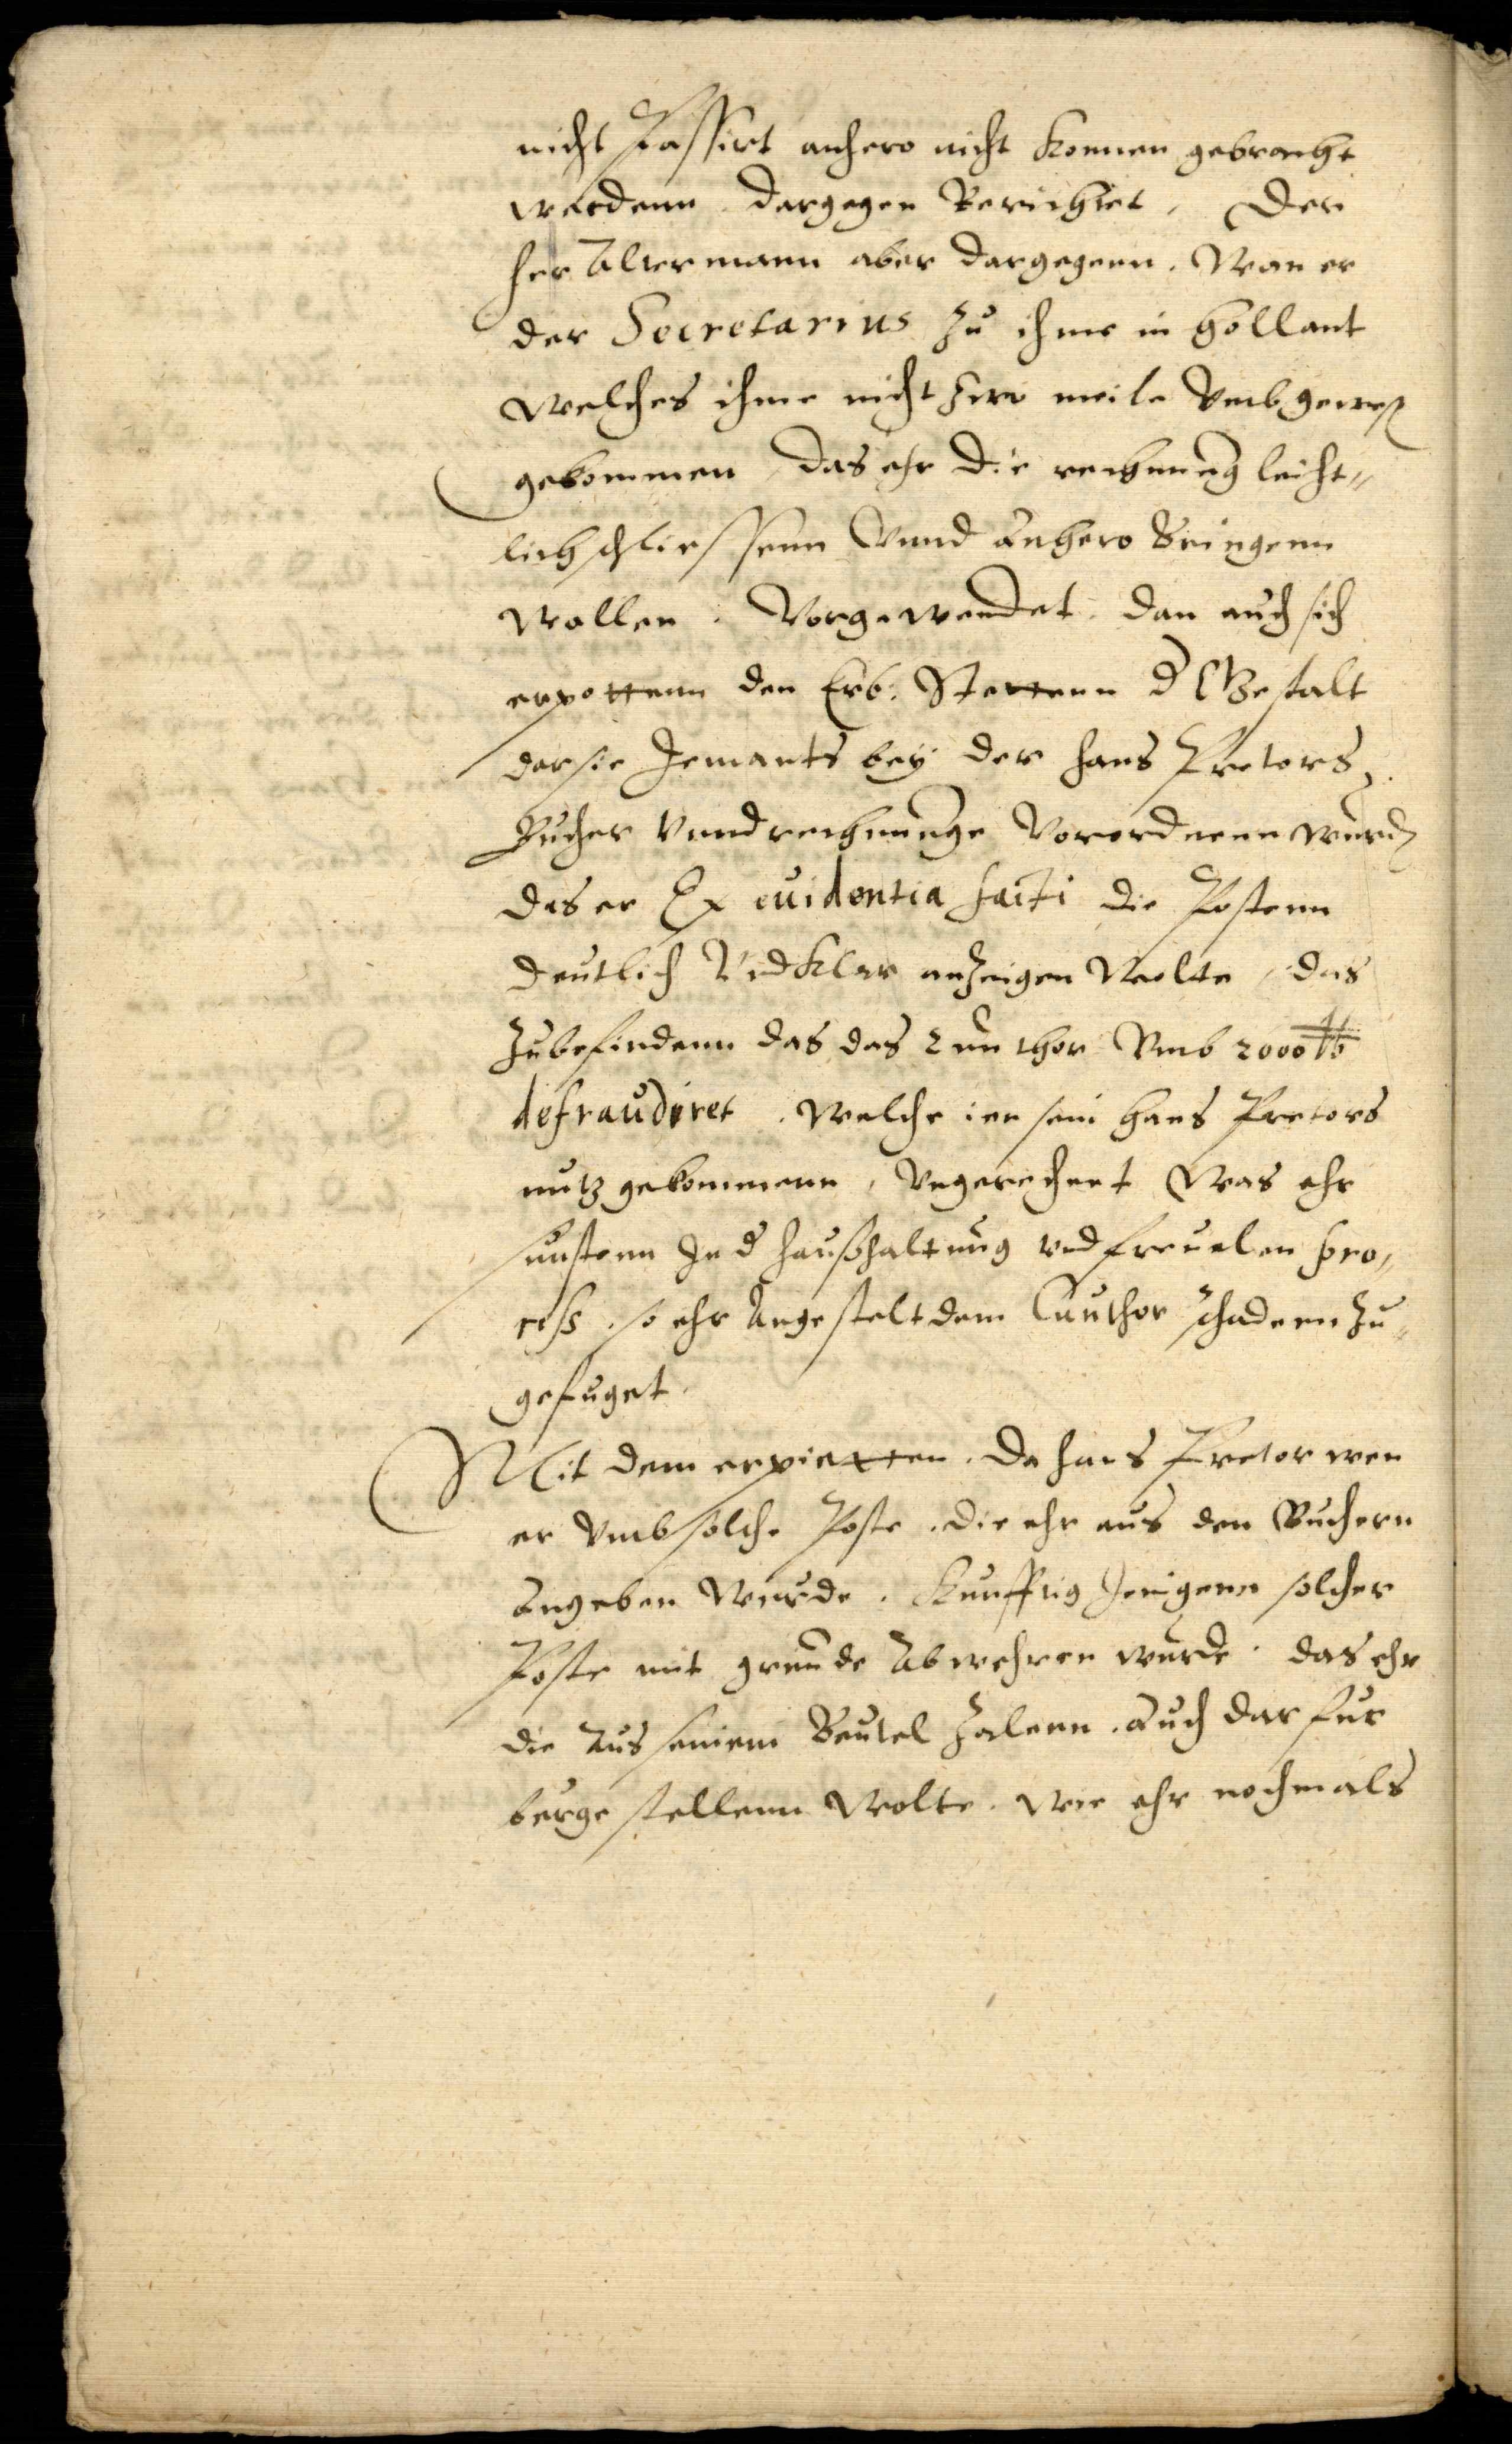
nicht Passirt anhero nicht konnen gebracht
werdenn, dargegen Berichtet, der
her Altermann aber dargegenn, Wan er
der Secretarius zu ihme in Hollant
welches ihme nicht zwo meile Vmb gewesen
gekommen, das ehr die rechnung leicht¬
lich schliessenn Vnnd Anhero Bringenn
Wollen, Vorgewendet, dan auch sich
erpottenn den Erb: Stettenn der Gestalt
dar sie Iemants beij der hans Pretors
Bucher vnnd rechnunge Vorordnenn wurden
das er Ex euidentia facti die Postenn
deutlich Vnd klar anzeigen Wolte, das
Zubefindenn das das Cunthor Vmb 2000 lb
defraudiret, welche inn sein Hans Pretors
nutz gekommenn, vngerechnet was ehr
sunstenn In der haußhaltung vnd freuelen Pro¬
cess, so ehr Angestelt dem Cunthor schadenn zu¬
gefuget.
Mit dem erpietten, da hans Pretor wen
er Vmb solche Poste, die ehr aus den Buchern
Angeben wurde, Kunfftig Ienigenn solcher
Poste mit grunde Abwehren wurde, das ehr
die Aus seinem Beutel zalenn, Auch darfur
burge stellenn Wolte, Wie ehr nochmals
